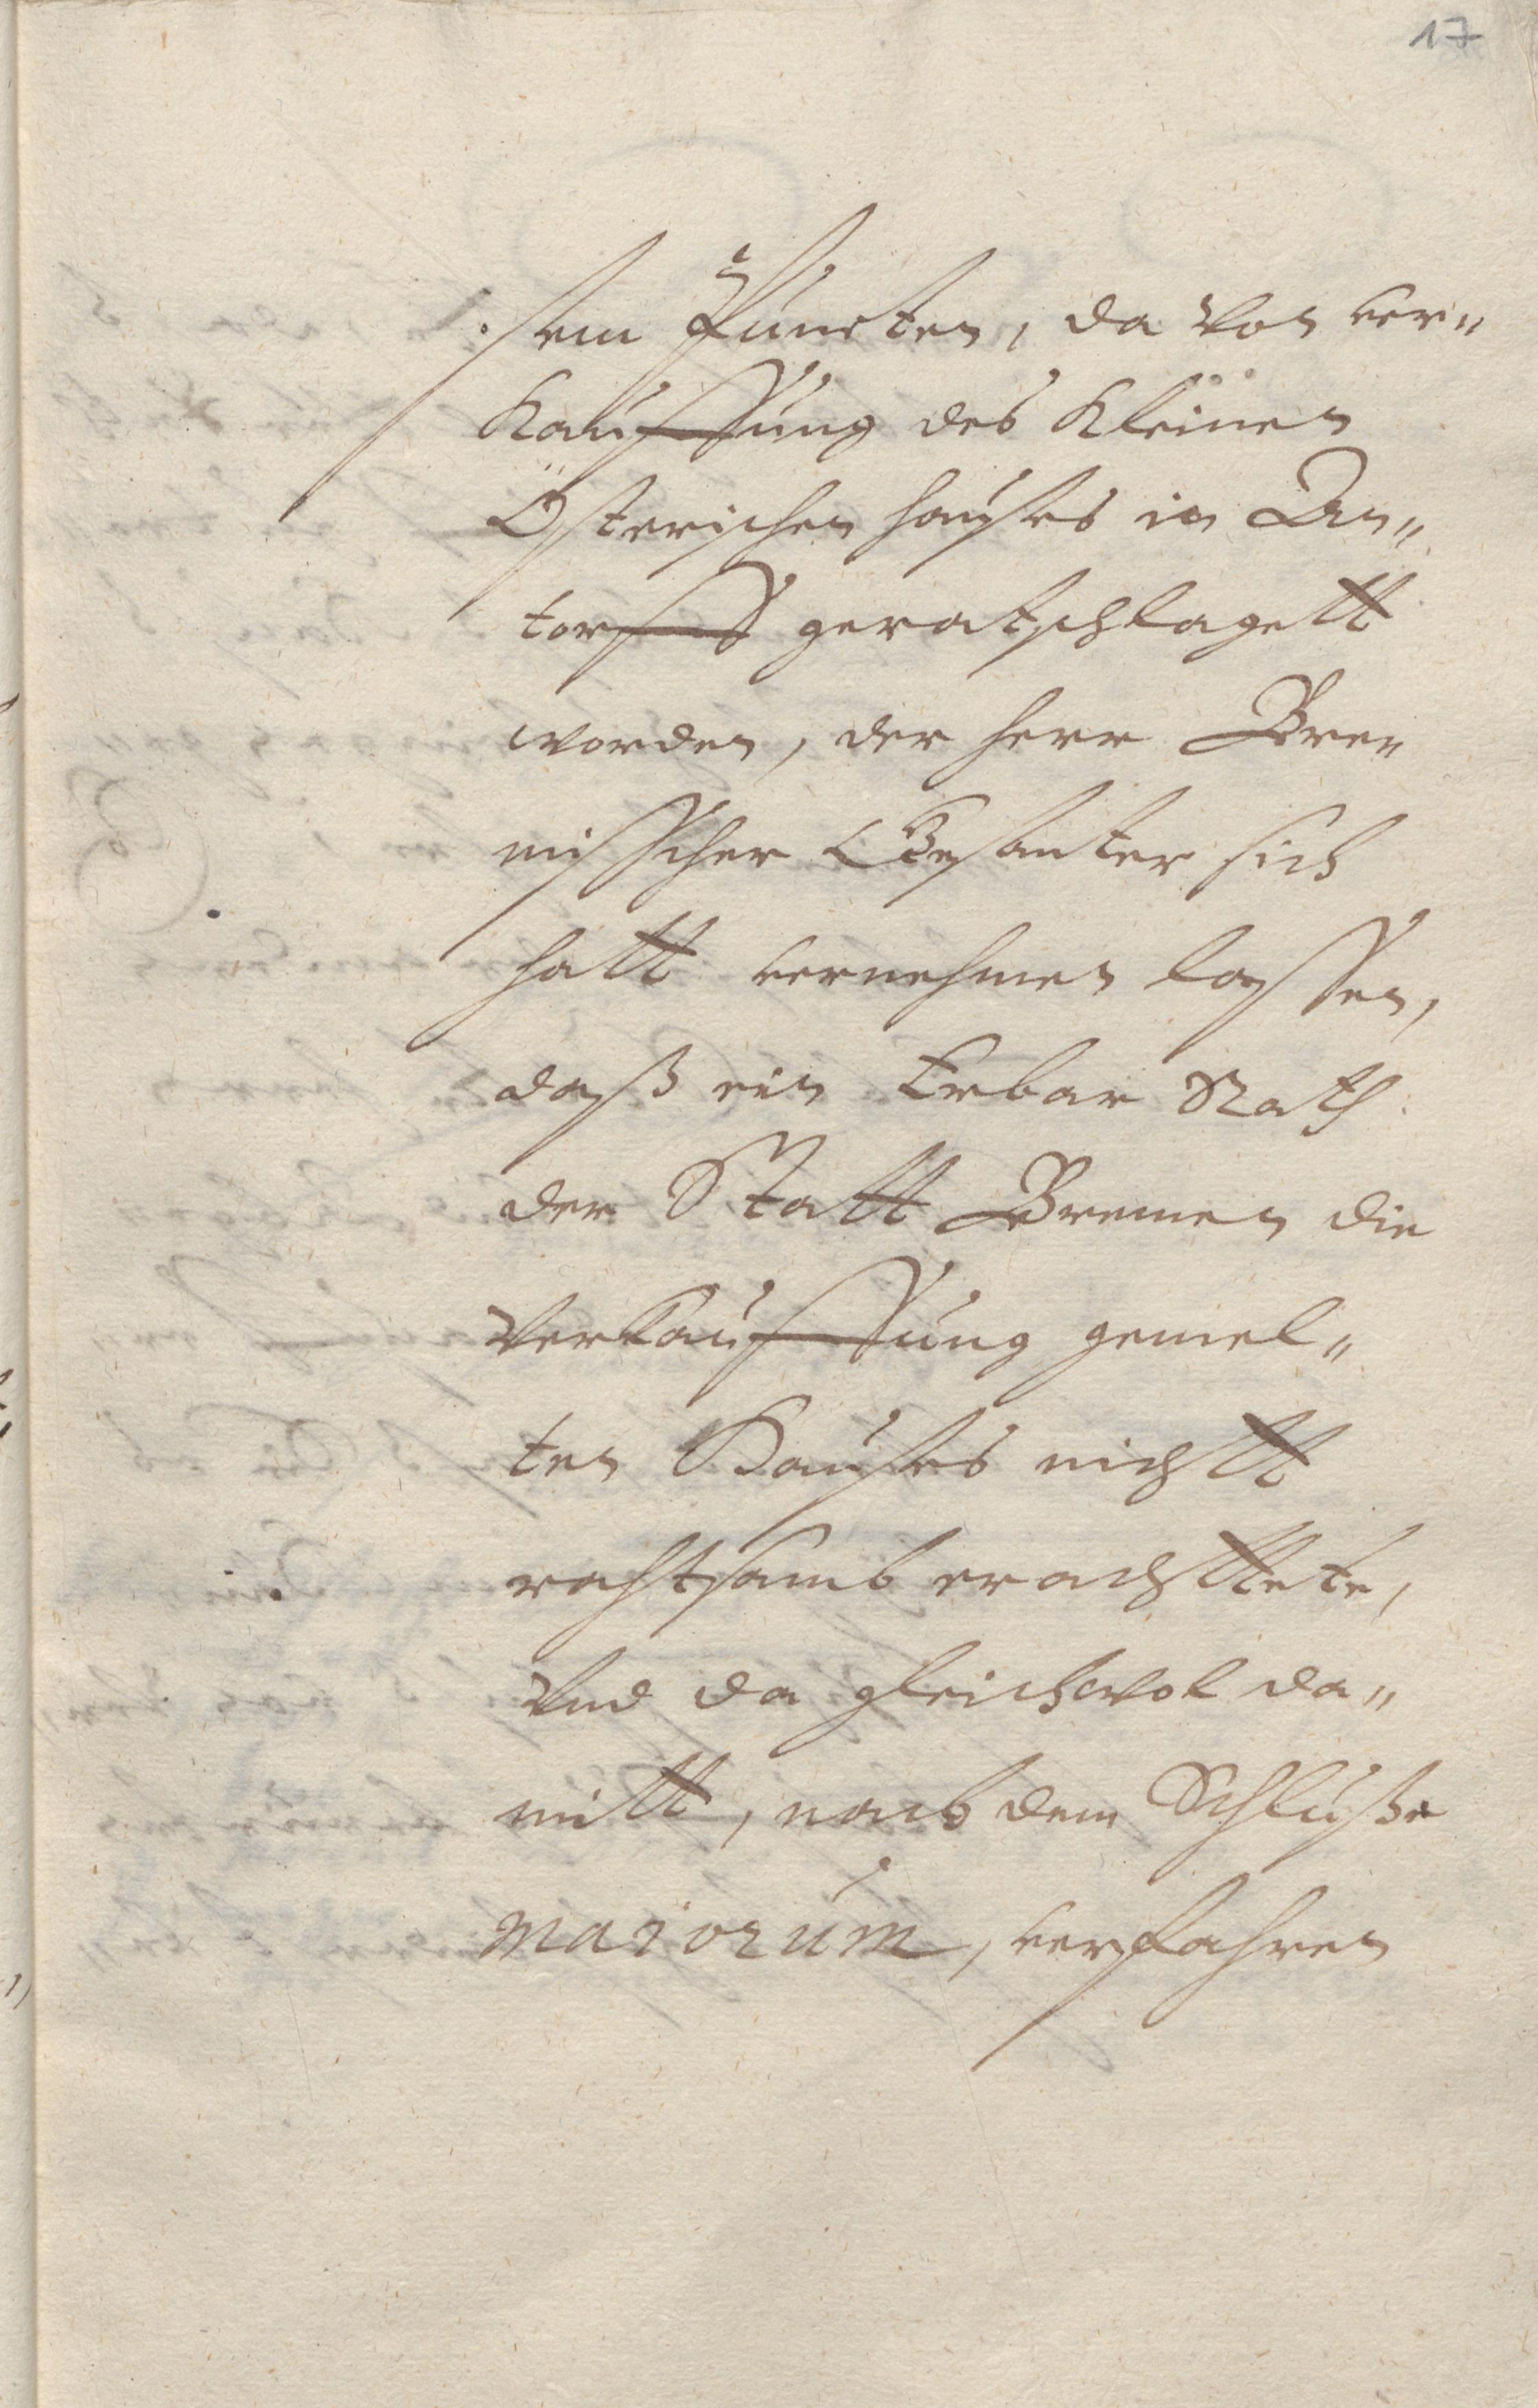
sem Puncten, da von ver¬
kauffung des kKleinen
Österischen hauses in An¬
torff geratschlagett,
worden, der herr Bre¬
mischer Gesanter sich
hatt vernehmen lassen,
daß ein Erbar Rath
der Statt Bremen die
verkauffung gemel¬
ten Hauses nichtt
rahtsamb erachttete,
vnd da gleichwol da¬
mitt, nach dem Schluße
maiorum, verfahren
